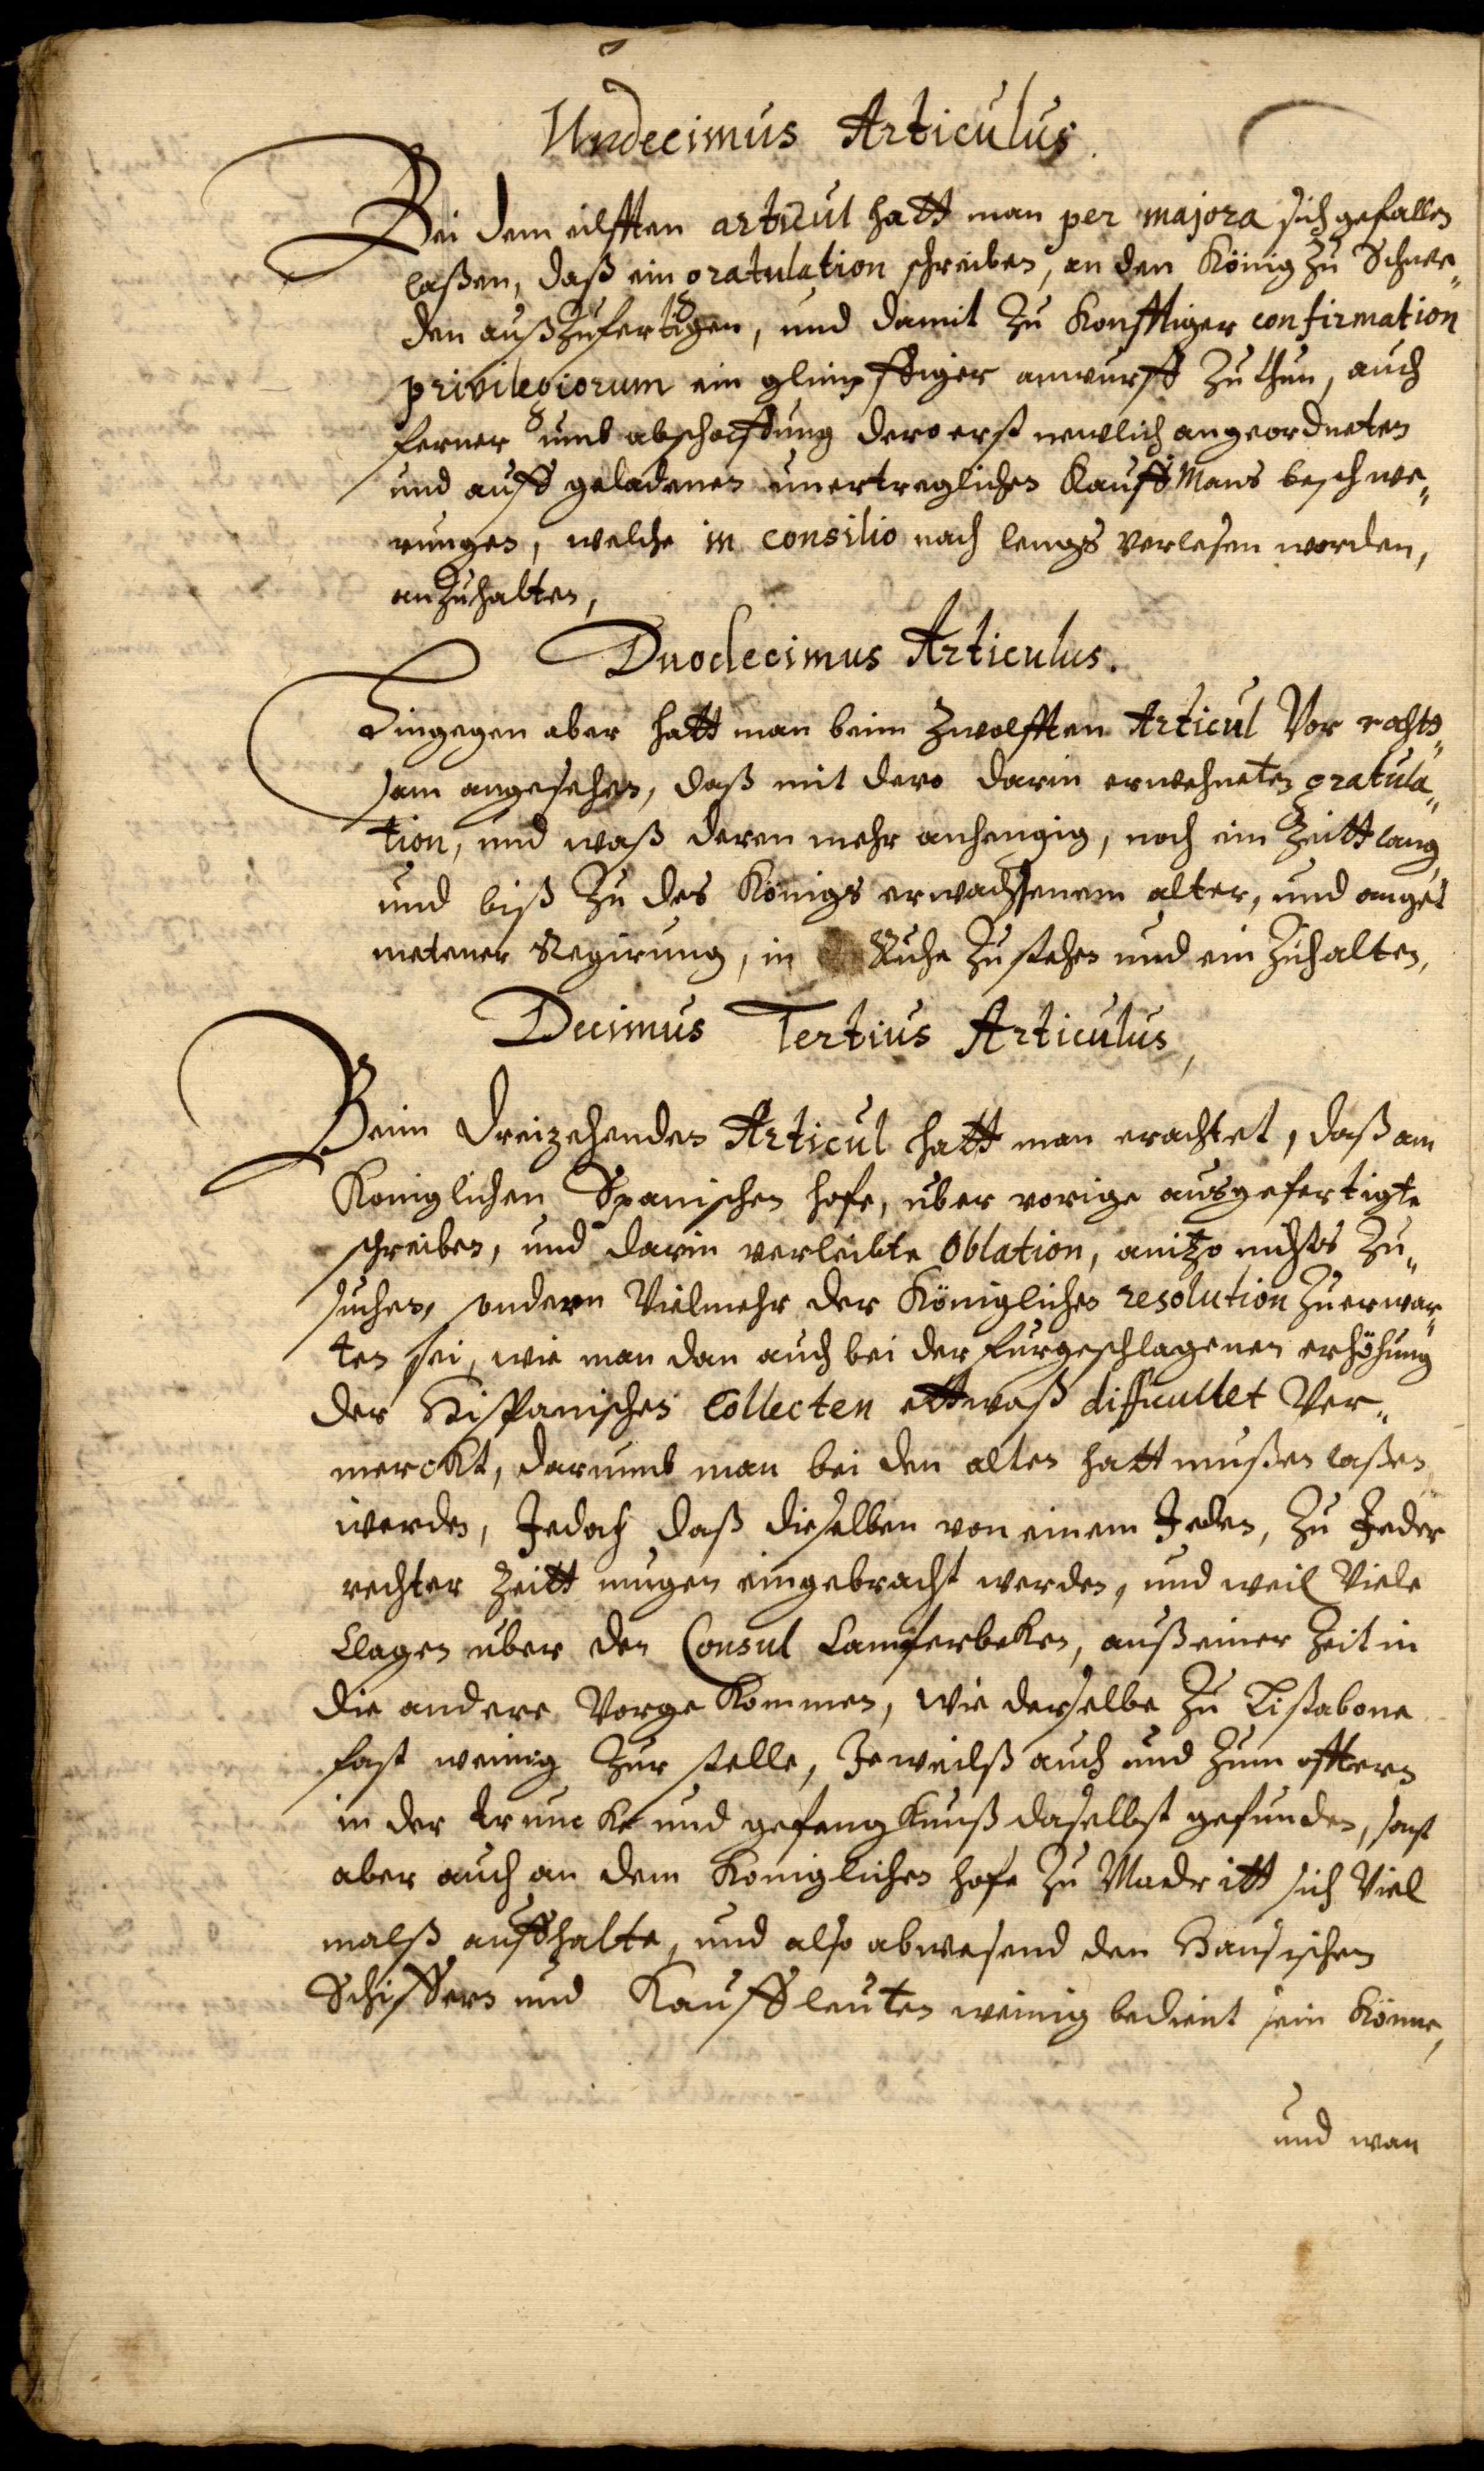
Undecimus Articulus.
Bei dem eilfften articul hatt man per majora sich gefallen
laßen, daß ein gratulation schreiben, an den König zu Schwe¬
den außzufertigen, und damit zu konfftiger confirmation
privilegiorum ein glimpffiger anwurff zu thun, auch
ferner umb abschaffung dero erst newlich angeordneten
vnd auff geladenen unertreglichen KauffMans beschwe¬
rungen, welche in consilio nach lengs verlesen worden,
anzuhalten,
Duodecimus Articulus.
Hingegen aber hatt man beim Zwolfften Articul Vor rahtt¬
sam angesehen, daß mit dero darin erwehneten gratula¬
tion, vnd waß deren mehr anhengig, noch ein Zeitt lang,
vnd biß Zu des Königs erwachsenem alter, und anget
metener Regirung, in Ruhe Zu stehen vnd ein Zuhalten,
Decimus Tertius Articulus,
Beim dreizehenden Articul hatt man erachtet, daß am
koniglichen Spanischen hofe, uber vorige ausgefertigte
schreiben, und darin verleibte Oblation, anitzo nichts zu¬
suchen, sondern vielmehr der königlichen resolution zuerwar¬
ten sei, wie man dan auch bei der furgeschlagenen erhöhung
der Hispanischen Collecten ettwaß difficultet Ver¬
merckt, darumb man bei den alten hatt mußen laßen
werden, Jedoch daß dieselben von einem Jeden, zu Jeder
rechter zeitt mugen eingebracht werden, und weil viele
Clagen uber den Consul Camferbeken, auß einer zeit in
die andere Vorgekommen, Wie derselbe Zu Lißabone
fast weinig zur stelle, jeweilß auch und zum offtern
in der truncke vnd gefangknuß daselbst gefunden, sonst
aber auch an dem Koniglichen hofe zu Madritt sich Viel
malß auffhalte, und also abwesend den Hansischen
Schiffern und Kauffleuten weinig bedient sein könne,
und wan
